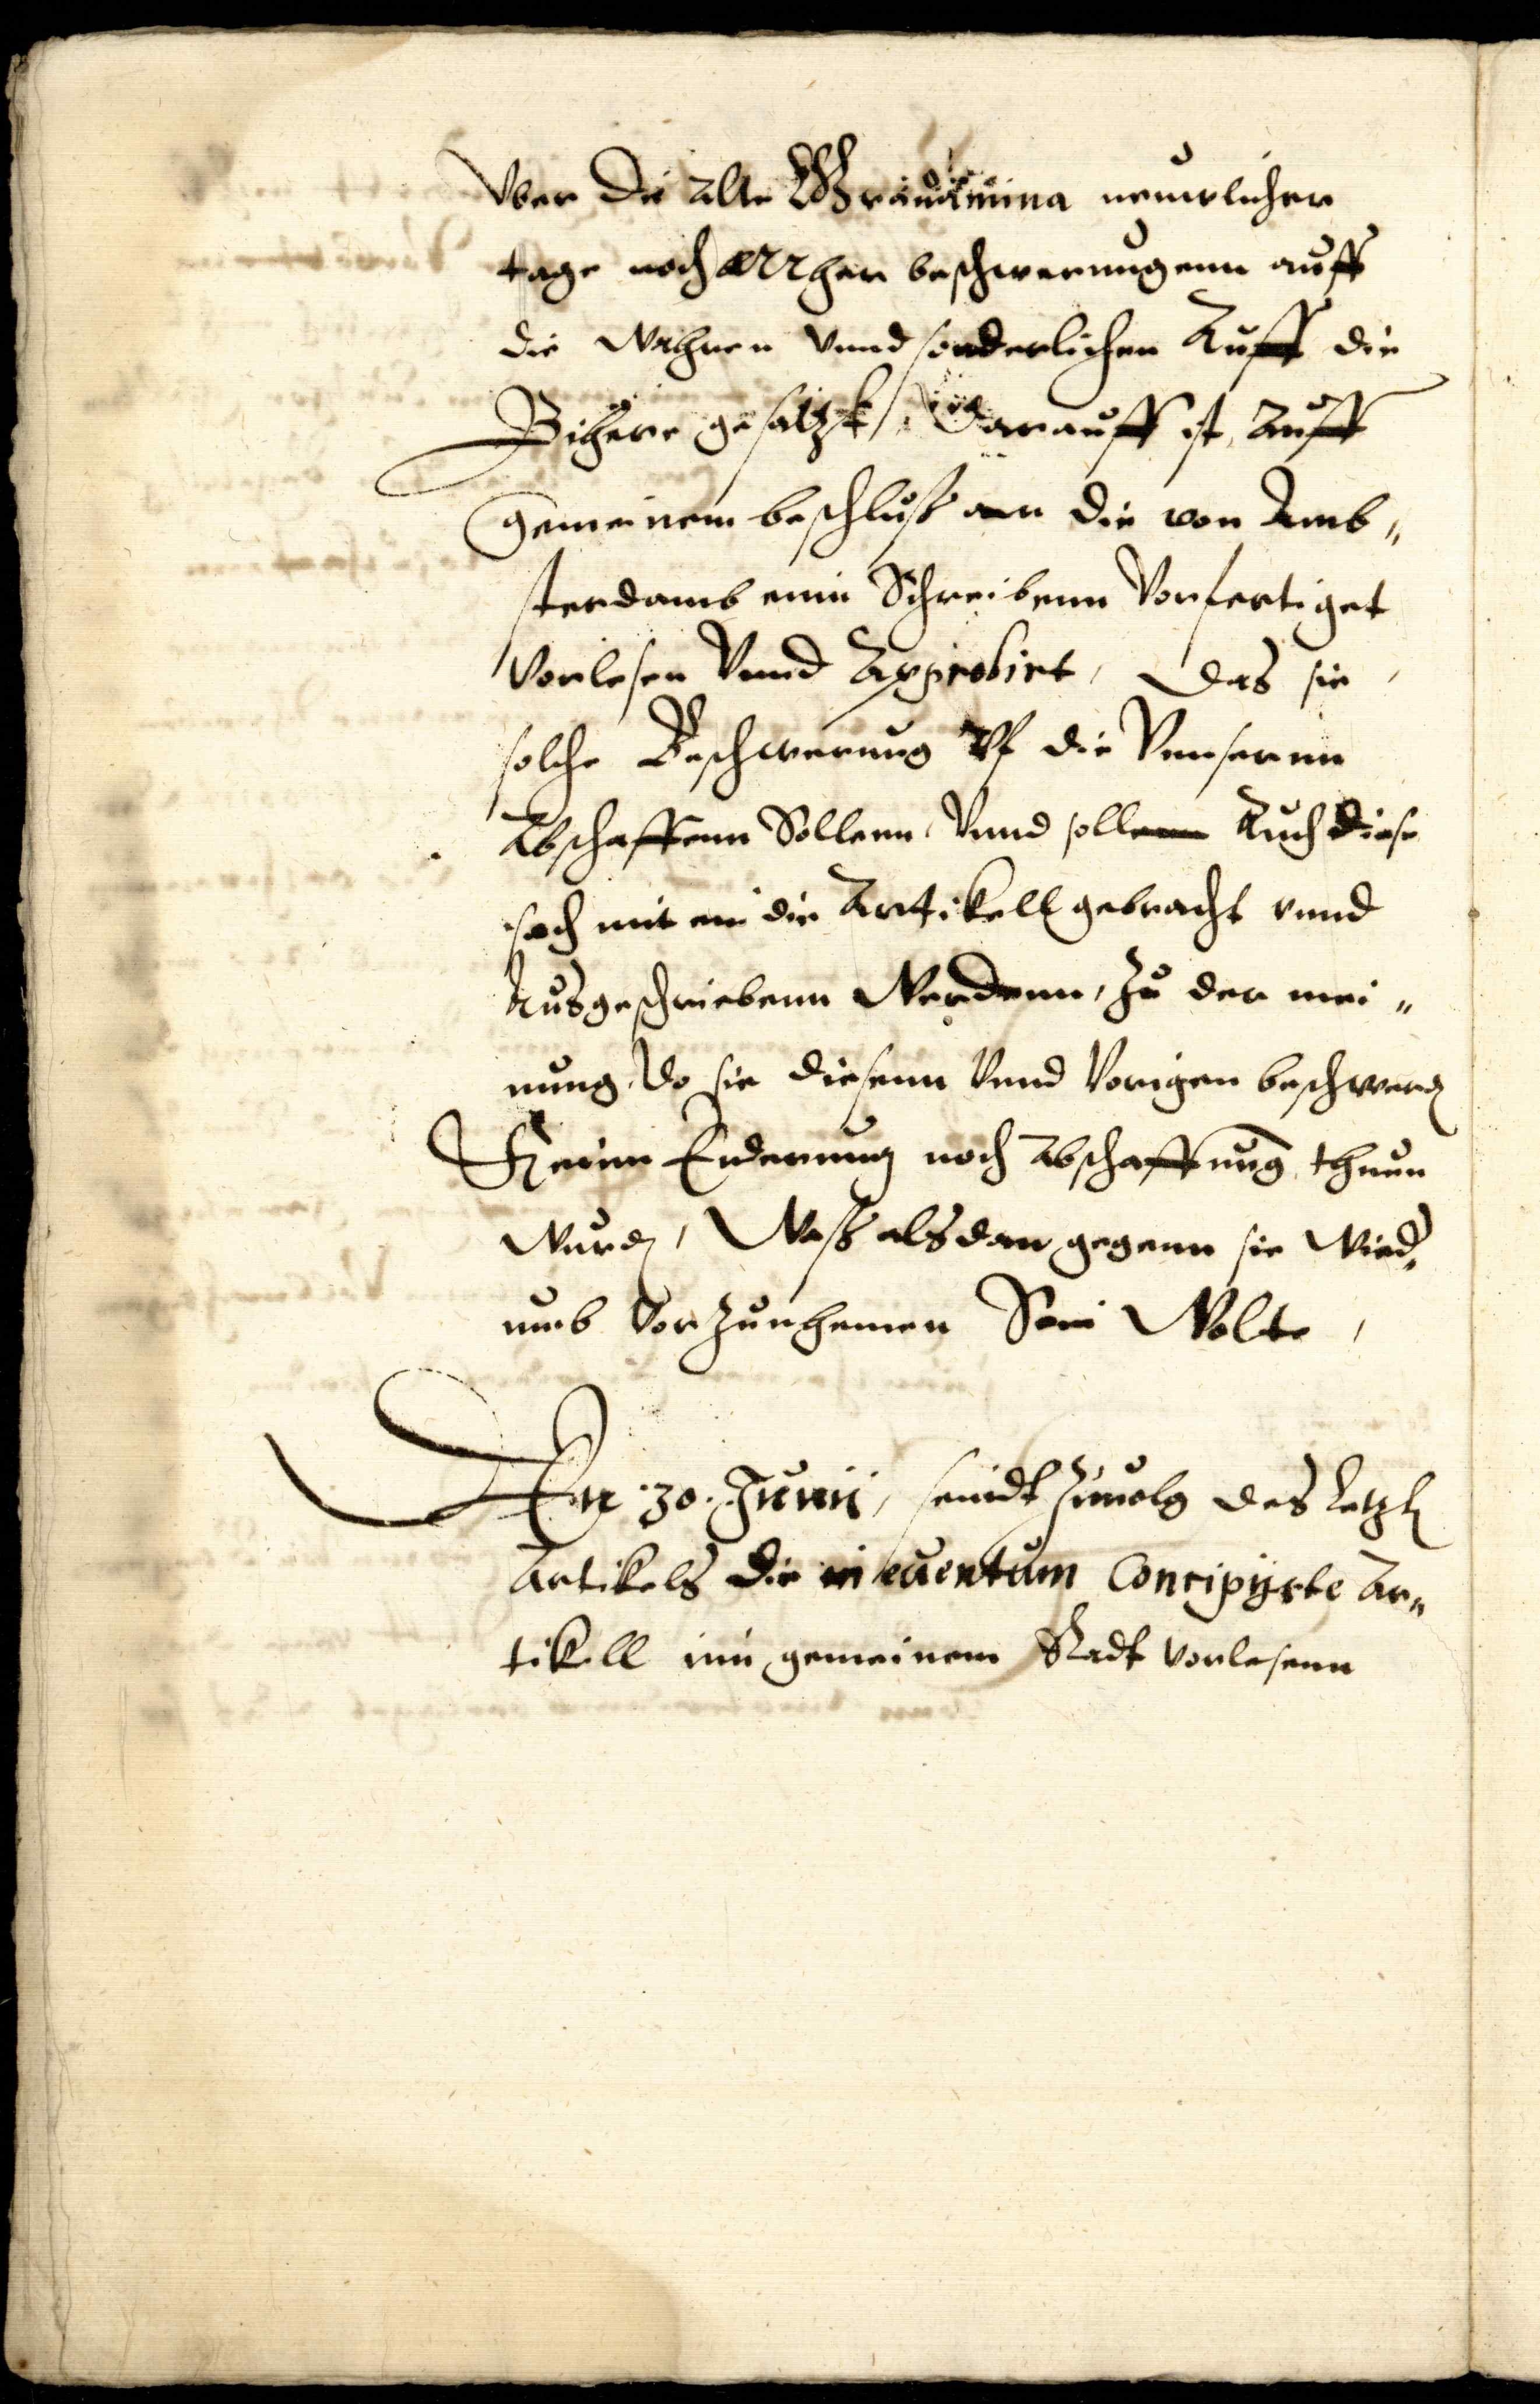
vber die Alte Grauamina neuwlicher
tage noch Mher beschwerungenn auff
die wahren und sonderlichen Auff die
Bihere gesatzt, darauff ist, Auff
gemeinem beschluß ann die von Amb¬
sterdamb einn Schreibenn Vorfertiget
vorlesen Vnnd Approbirt, das sie
solche Beschwerung Vf die Vnsernn
Abschaffenn Sollenn, Vnnd sollenn Auch diese
sach mit inn die Artikell gebracht vnnd
Ausgeschriebenn Werdenn, Zu der mei¬
nung, do sie diesenn Vnnd Vorigen beschwerden
Keine Enderung noch Abschaffung thuen
Wurden, Waß alsdan gegenn sie Wieder¬
umb vorzunhemen Sein Wolte,
DEn 30. Junii, seindt zuuolg des letzten
Artikels die in euentum Concipijrte Ar¬
tikell inn gemeinem Radt vorlesenn
